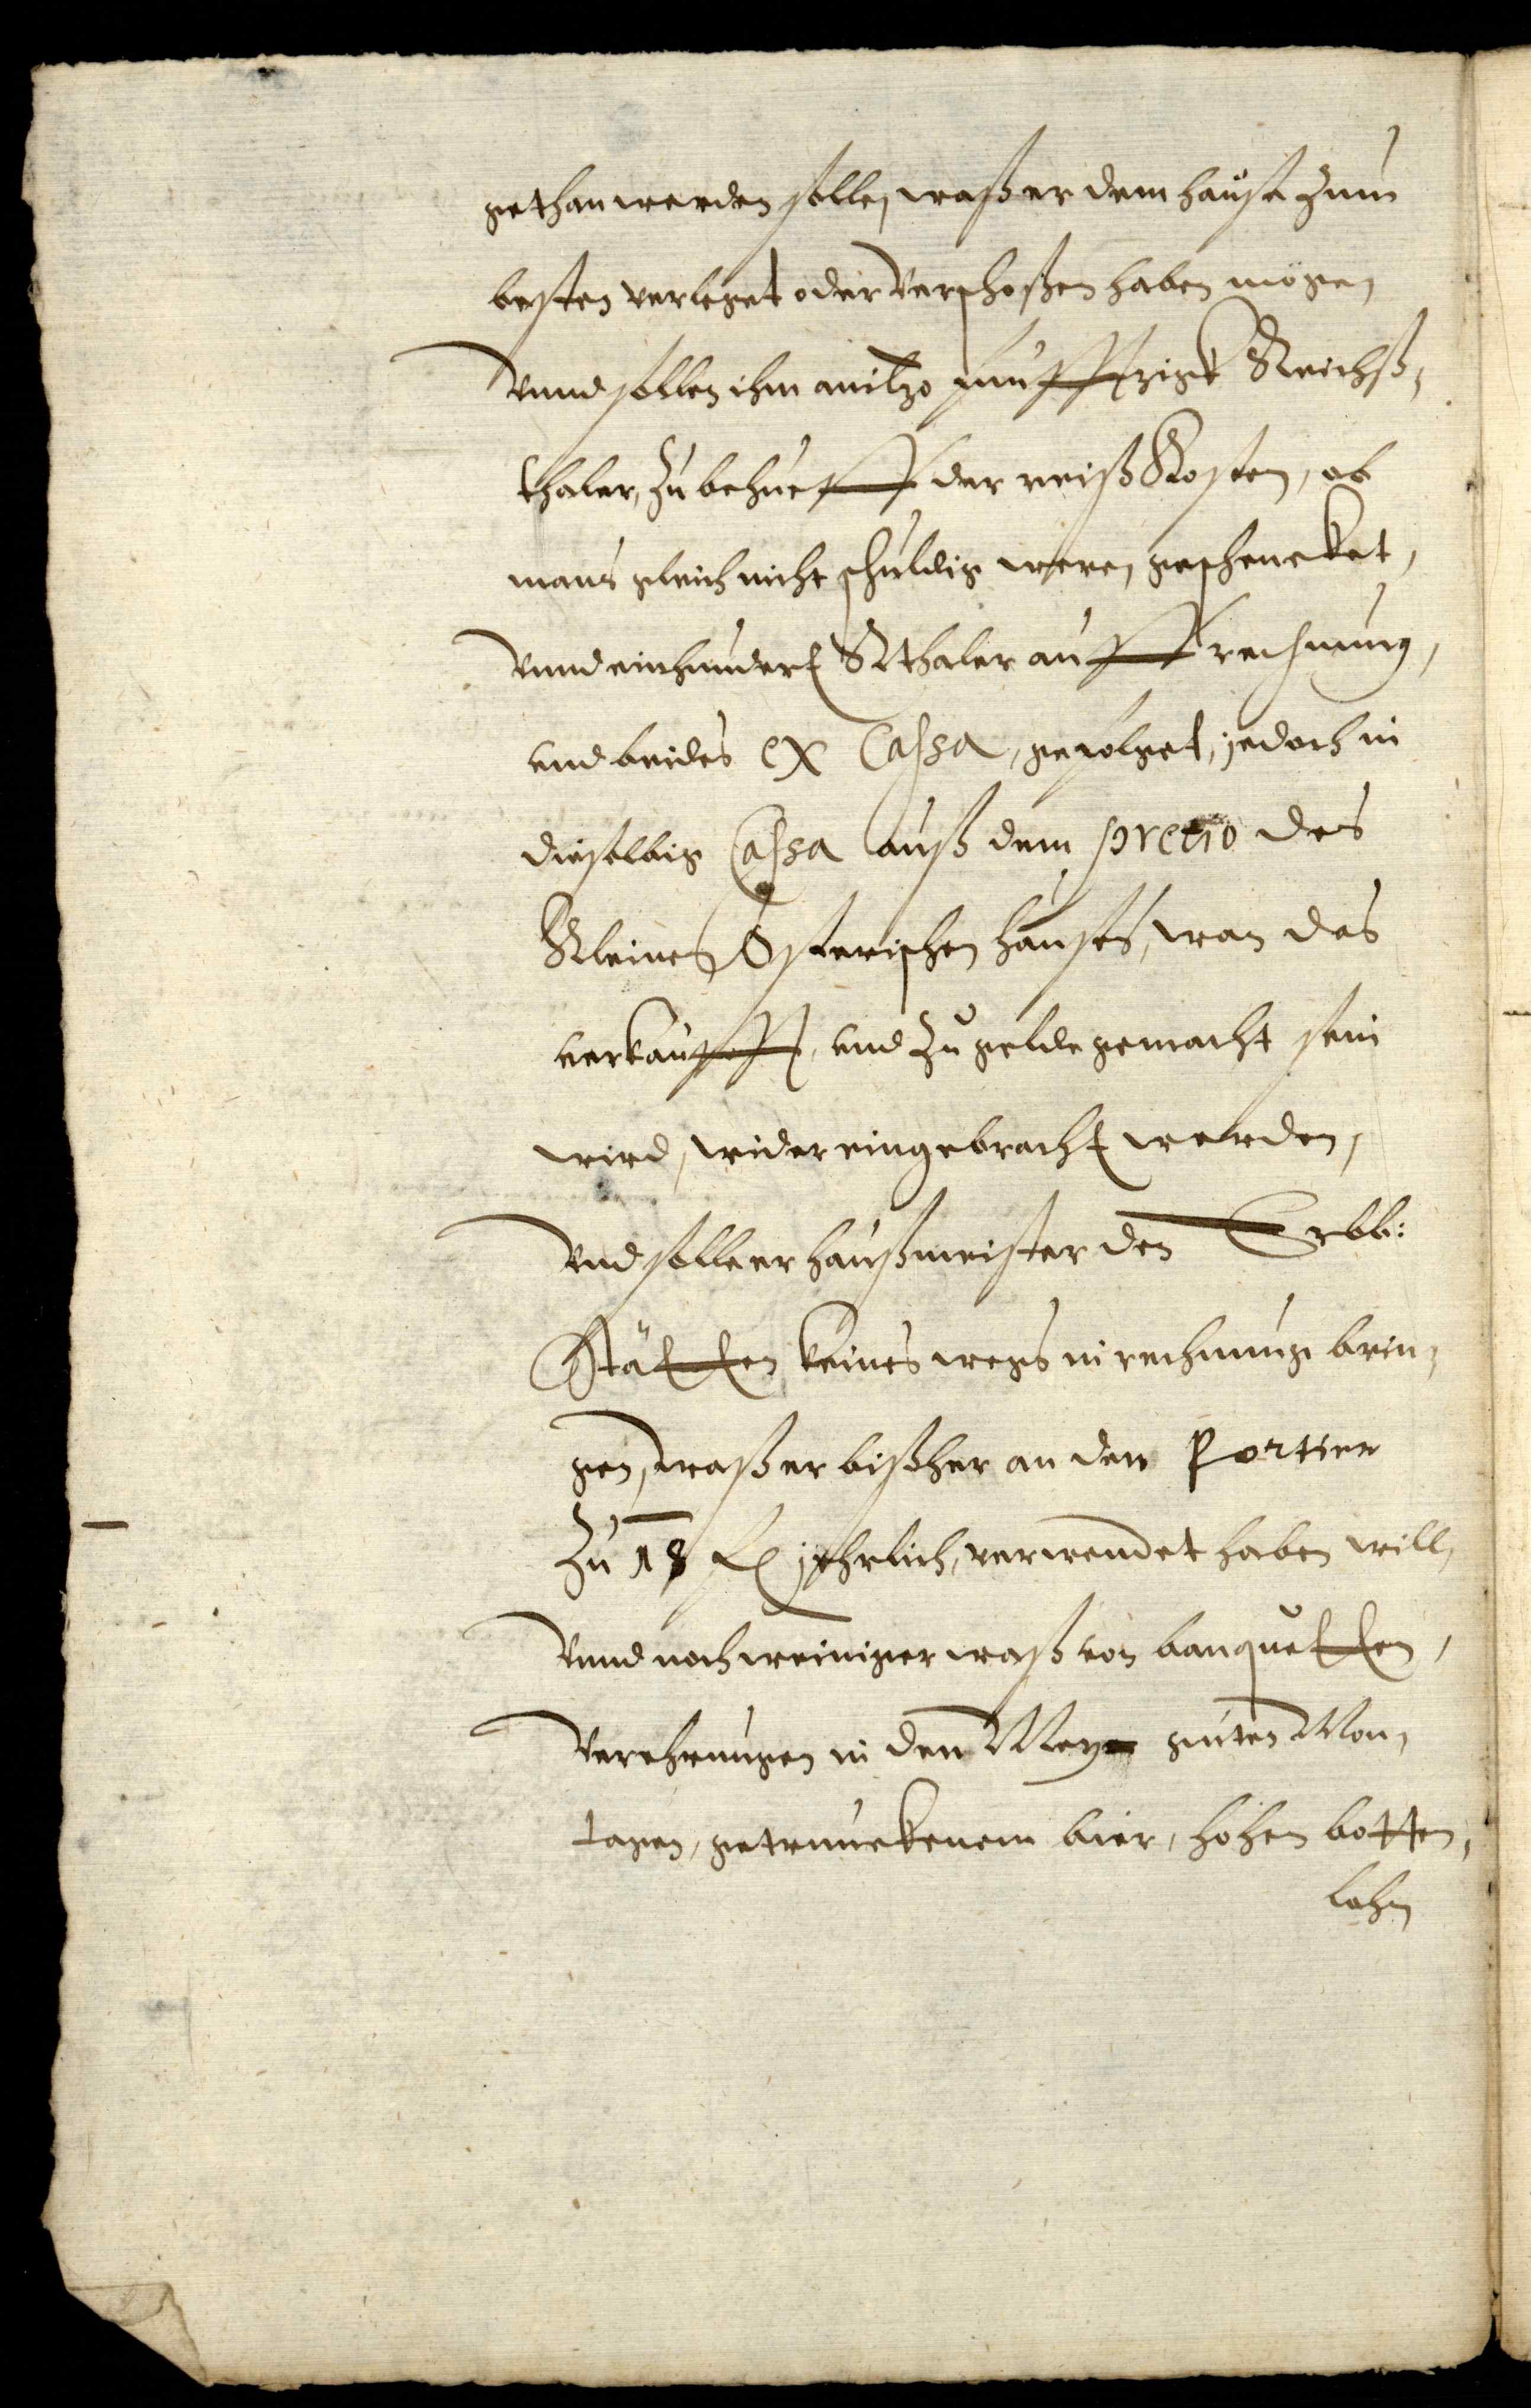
gethan werden solle, waß er dem hause zum
besten verleget oder Verschoßen haben möge,
Vnnd sollen ihm anitzo funfftzigk Reichß¬
thaler, Zu behueff der reißKosten, ob
mans gleich nicht schuldig were, geschencket,
Vnnd einhundert Rthaler auff rechnung,
vnd beides ex cassa, gefolget, jedoch in
dieselbe Cassa auß dem pretio des
Kleinen Osterischen hauses, wan das
verkaufft vnd Zu gelde gemacht sein
wird, wider eingebracht werden,
Vnd solle er hausmeister den Erbb:
Stätten keines wegs in rechnung brin¬
geb, Waß er bißher an den portirn
Zu 18 fl jährlich, verwendet haben will,
Vnnd noch weiniger waß von banquetten,
Verehrungen in den Meyen guten Mon¬
tagen, getrunckenem bier, hohen botten-
lohn
